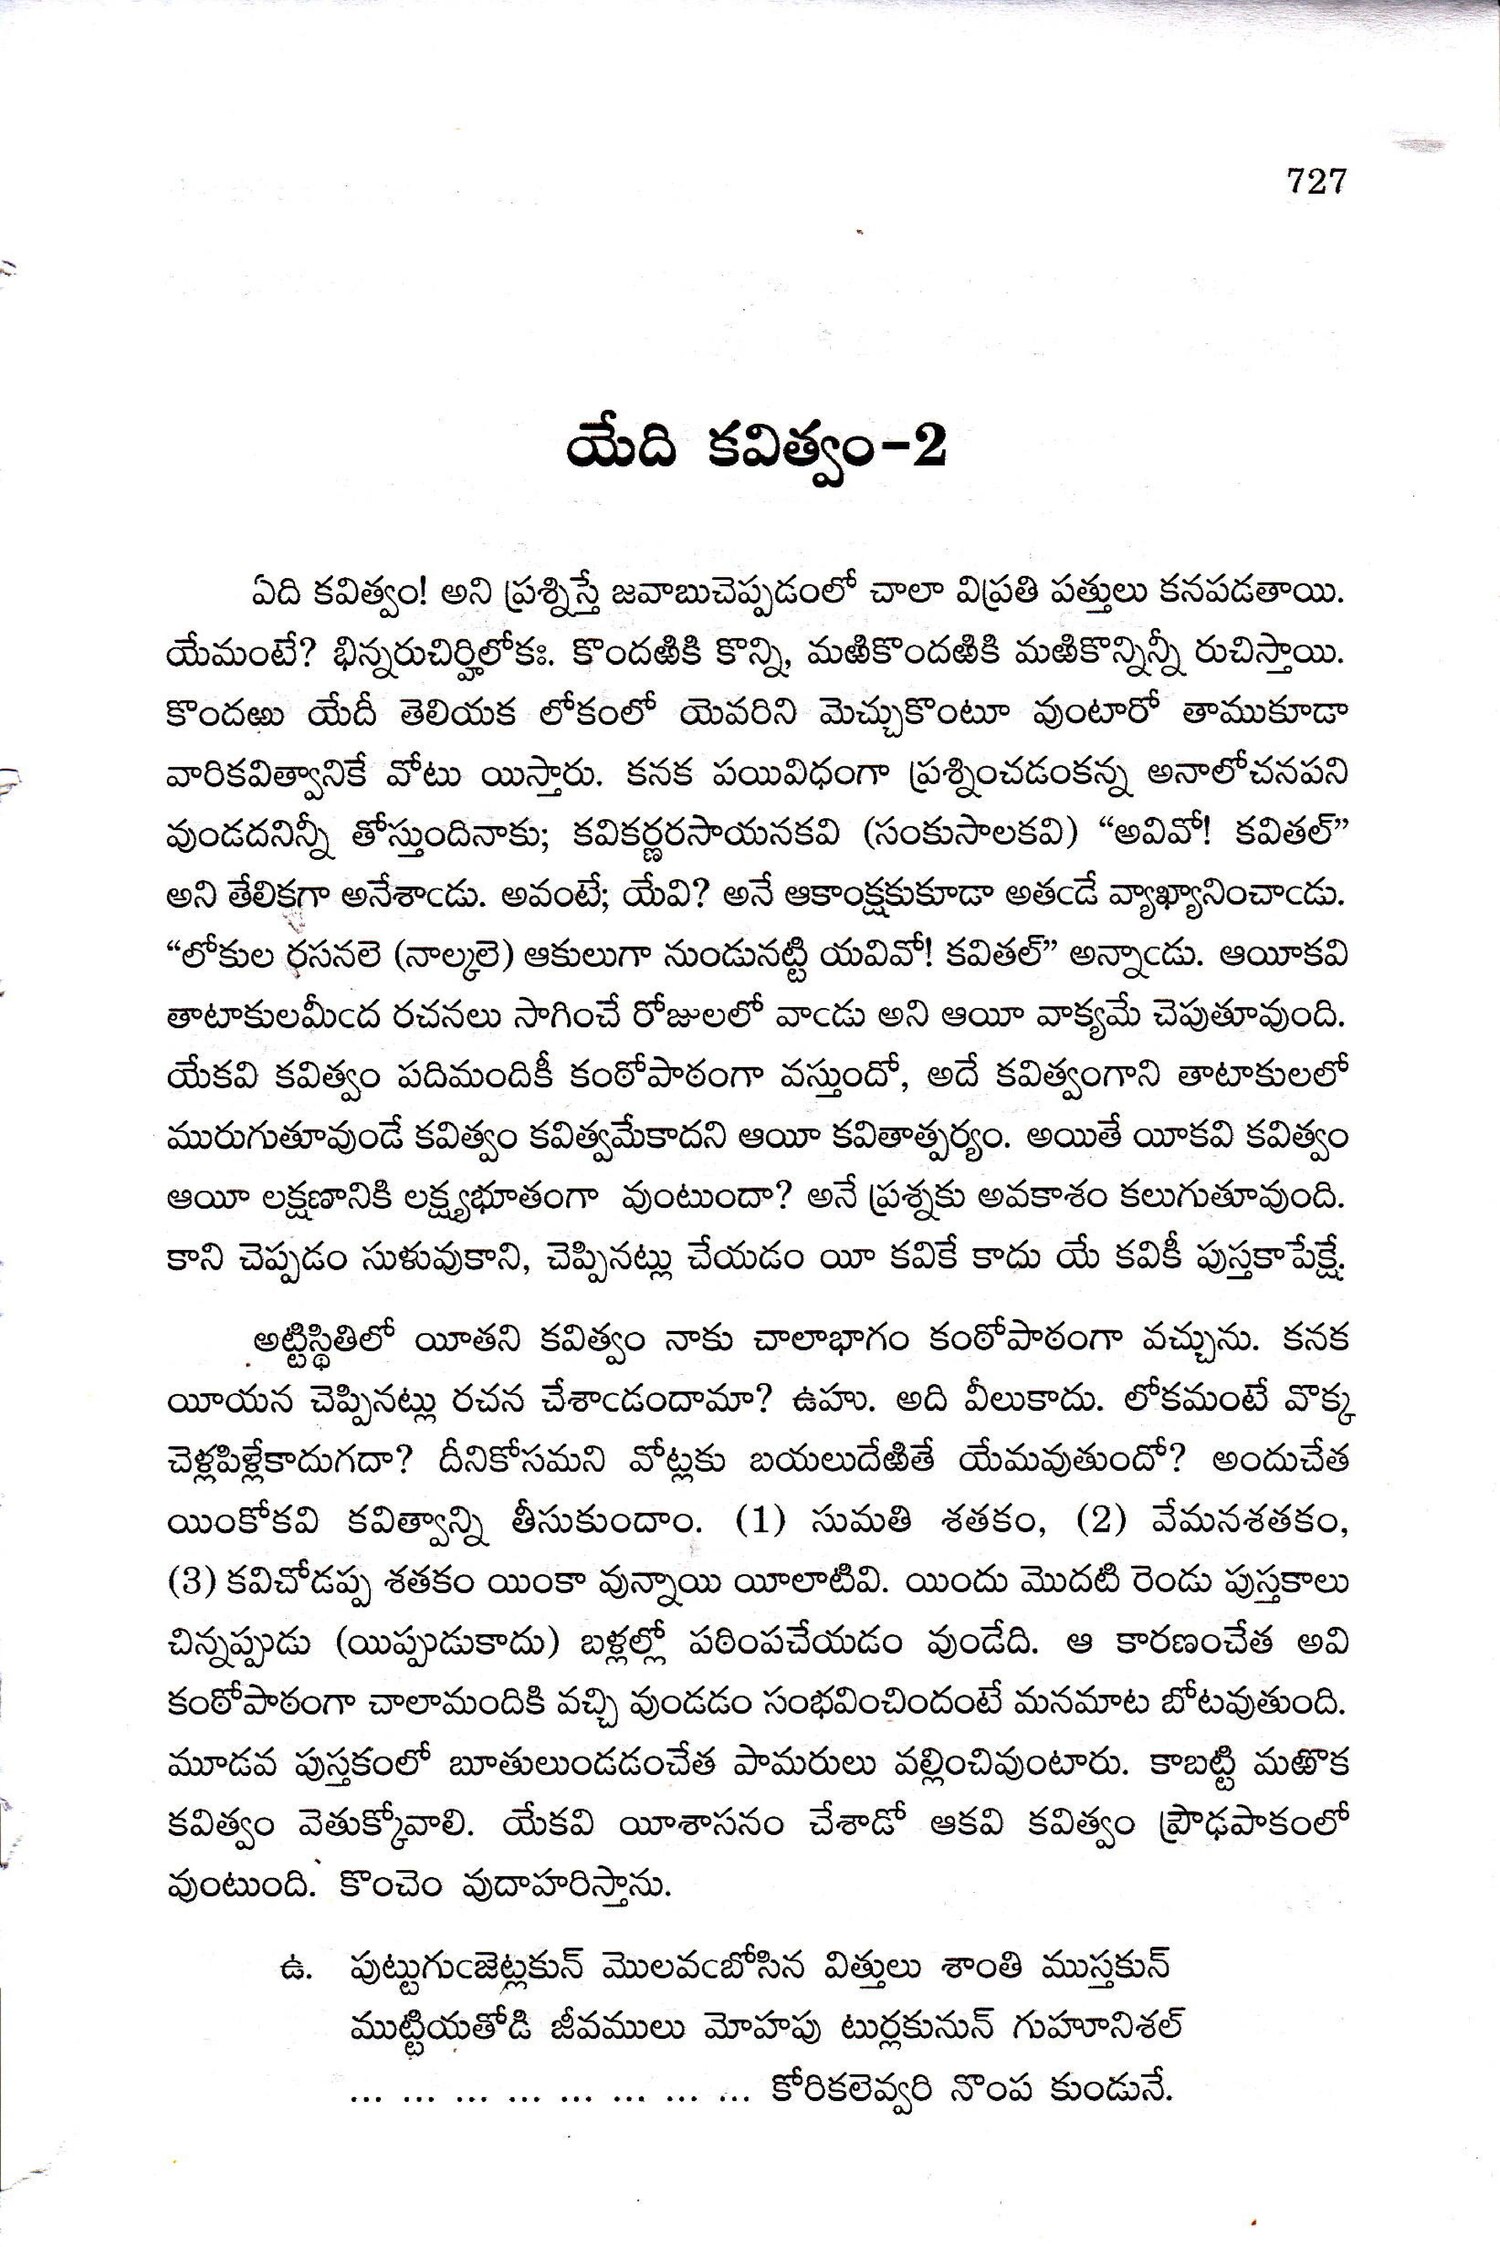యేది కవిత్వం-2

ఏది కవిత్వం! అని ప్రశ్నిస్తే జవాబుచెప్పడంలో చాలా విప్రతి పత్తులు కనపడతాయి. యేమంటే? భిన్నరుచిర్హిలోకః కొందఱికి కొన్ని మఱికొందఱికి మఱికొన్నిన్నీ రుచిస్తాయి. కొందఱు యేదీ తెలియక లోకంలో యెవరిని మెచ్చుకొంటూ వుంటారో తాముకూడా వారికవిత్వానికే వోటు యిస్తారు. కనక పయివిధంగా ప్రశ్నించడంకన్న అనాలోచనపని వుండదనిన్నీ తోస్తుంది.నాకు; కవికర్ణరసాయనకవి (సంకుసాలకవి) “అవివో! కవితల్” అని తేలికగా అనేశాఁడు. అవంటే; యేవి? అనే ఆకాంక్షకుకూడా అతఁడే వ్యాఖ్యానించాఁడు. "లోకుల రసనలె (నాల్కలె) ఆకులుగా నుండునట్టి యవివో! కవితల్” అన్నాఁడు. ఆయీకవి తాటాకులమీఁద రచనలు సాగించే రోజులలో వాఁడు అని ఆయీ వాక్యమే చెపుతూవుంది. యేకవి కవిత్వం పదిమందికీ కంఠోపాఠంగా వస్తుందో, అదే కవిత్వంగాని తాటాకులలో మురుగుతూవుండే కవిత్వం కవిత్వమేకాదని ఆయీ కవితాత్పర్యం. అయితే యీకవి కవిత్వం ఆయీ లక్షణానికి లక్ష్యభూతంగా వుంటుందా? అనే ప్రశ్నకు అవకాశం కలుగుతూవుంది. కాని చెప్పడం సుళువుకాని, చెప్పినట్లు చేయడం యీ కవికే కాదు యే కవికీ పుస్తకాపేక్షే

అట్టిస్థితిలో యీతని కవిత్వం నాకు చాలాభాగం కంఠోపాఠంగా వచ్చును. కనక యీయన చెప్పినట్లు రచన చేశాఁడందామా? ఉహు. అది వీలుకాదు. లోకమంటే వొక్క చెళ్లపిళ్లేకాదుగదా? దీనికోసమని వోట్లకు బయలుదేఱితే యేమవుతుందో? అందుచేత యింకోకవి కవిత్వాన్ని తీసుకుందాం. (1) సుమతి శతకం, (2) వేమన శతకం, (3) కవిచోడప్ప శతకం యింకా వున్నాయి యీలాటివి. యిందు మొదటి రెండు పుస్తకాలు చిన్నప్పుడు (యిప్పుడుకాదు) బళ్లల్లో పఠింపచేయడం వుండేది. ఆ కారణంచేత అవి కంఠోపాఠంగా చాలామందికి వచ్చి వుండడం సంభవించిందంటే మనమాట బోటవుతుంది. మూడవ పుస్తకంలో బూతులుండడంచేత పామరులు వల్లించివుంటారు. కాబట్టి మఱొక కవిత్వం వెతుక్కోవాలి. యేకవి యీశాసనం చేశాడో ఆకవి కవిత్వం ప్రౌఢపాకంలో వుంటుంది. కొంచెం వుదాహరిస్తాను.

ఉ. పుట్టుగుఁజెట్లకున్ మొలవఁబోసిన విత్తులు శాంతి ముస్తకున్
 ముట్టియతోడి జీవములు మోహపు టుర్లకునున్ గుహూనిశల్
 ... ... .............................. ... కోరికలెవ్వరి నొంప కుండునే.